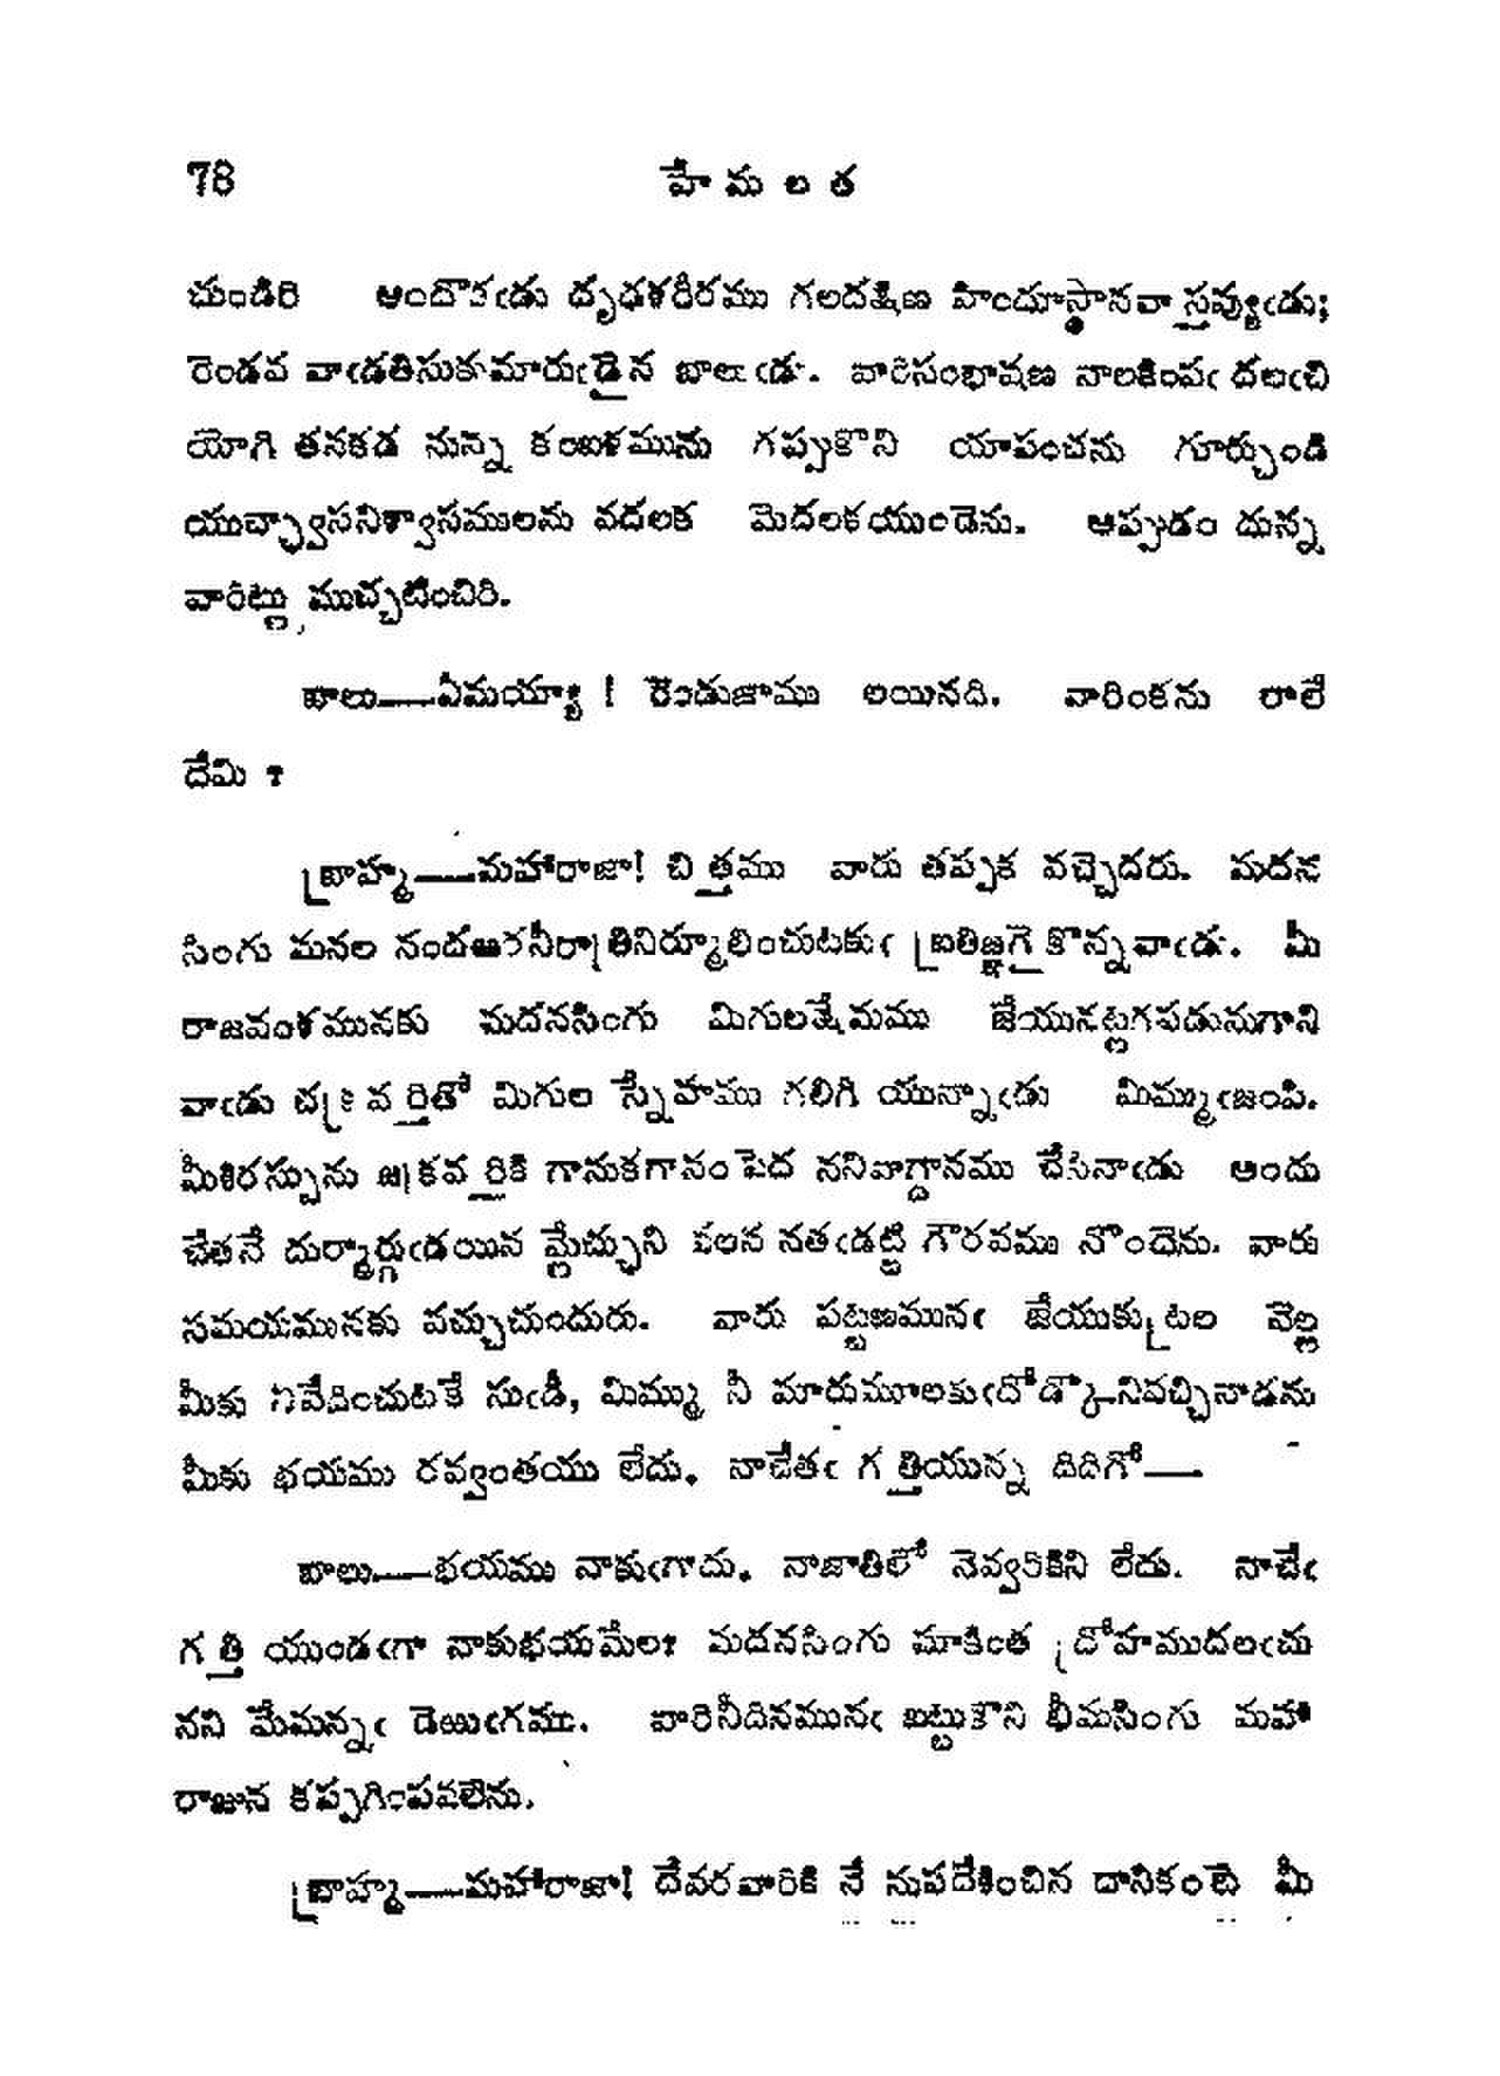చుండిరి. అందొకఁడు దృఢశరీరము గలదక్షిణ హిందూస్థాన వాస్తవ్యుఁడు; రెండవ వాఁడతిసుకుమారుఁడైన బాలుఁడు. వారిసంభాషణ నాలకింపఁ దలఁచి యోగి తనకడ నున్న కంబళమును గప్పుకొని యాపంచను గూర్చుండి యుచ్ఛ్వాసనిశ్వాసములను వదలక మెదలక యుండెను. అప్పుడందున్న వారిట్లు ముచ్చటించిరి.

బాలు – ఏమయ్యా! రెండుజాము లయినది. వారింకను రాలేదేమి?

బ్రాహ్మ – మహారాజా! చిత్తము వారు తప్పక వచ్చెదరు. మదనసింగు మనల నందఱ నీరాత్రి నిర్మూలించుటకుఁ బ్రతిజ్ఞగైకొన్నవాఁడు. మీరాజవంశమునకు మదనసింగు మిగులక్షేమము జేయునట్లగపడును గాని వాఁడు చక్రవర్తితో మిగుల స్నేహము గలిగి యున్నాఁడు. మిమ్ముఁజంపి మీశిరస్సును జక్రవర్తికి గానుకగానంపెద నని వాగ్దానము చేసినాఁడు. అందుచేతనే దుర్మార్గుడయిన మ్లేచ్ఛుని వలన నతఁడట్టి గౌరవము నొందెను. వారు సమయమునకు వచ్చుచుందురు. వారు పట్టణమునఁ జేయుకుట్రల నెల్ల మీకు నివేదించుటకే సుఁడీ, మిమ్ము నీమారుమూలకుఁఁదోడ్కొనివచ్చినాడను. మీకు భయము రవ్వంతయు లేదు. నాచేత గత్తియున్న దిదిగో —

బాలు – భయము నాకుఁగాదు, నాజాతిలో నెవ్వరికిని లేదు. నాచేఁగత్తి యుండఁగా నాకుభయమేల? మదనసింగు మాకింత ద్రోహము దలఁచునని మేమన్నఁ డెఱుఁగము. వారినీదినమున బట్టుకొని భీమసింగు మహారాజున కప్పగింప వలెను.

బ్రాహ్మ – మహారాజా! దేవరవారికి నే నుపదేశించిన దానికంటె మీ